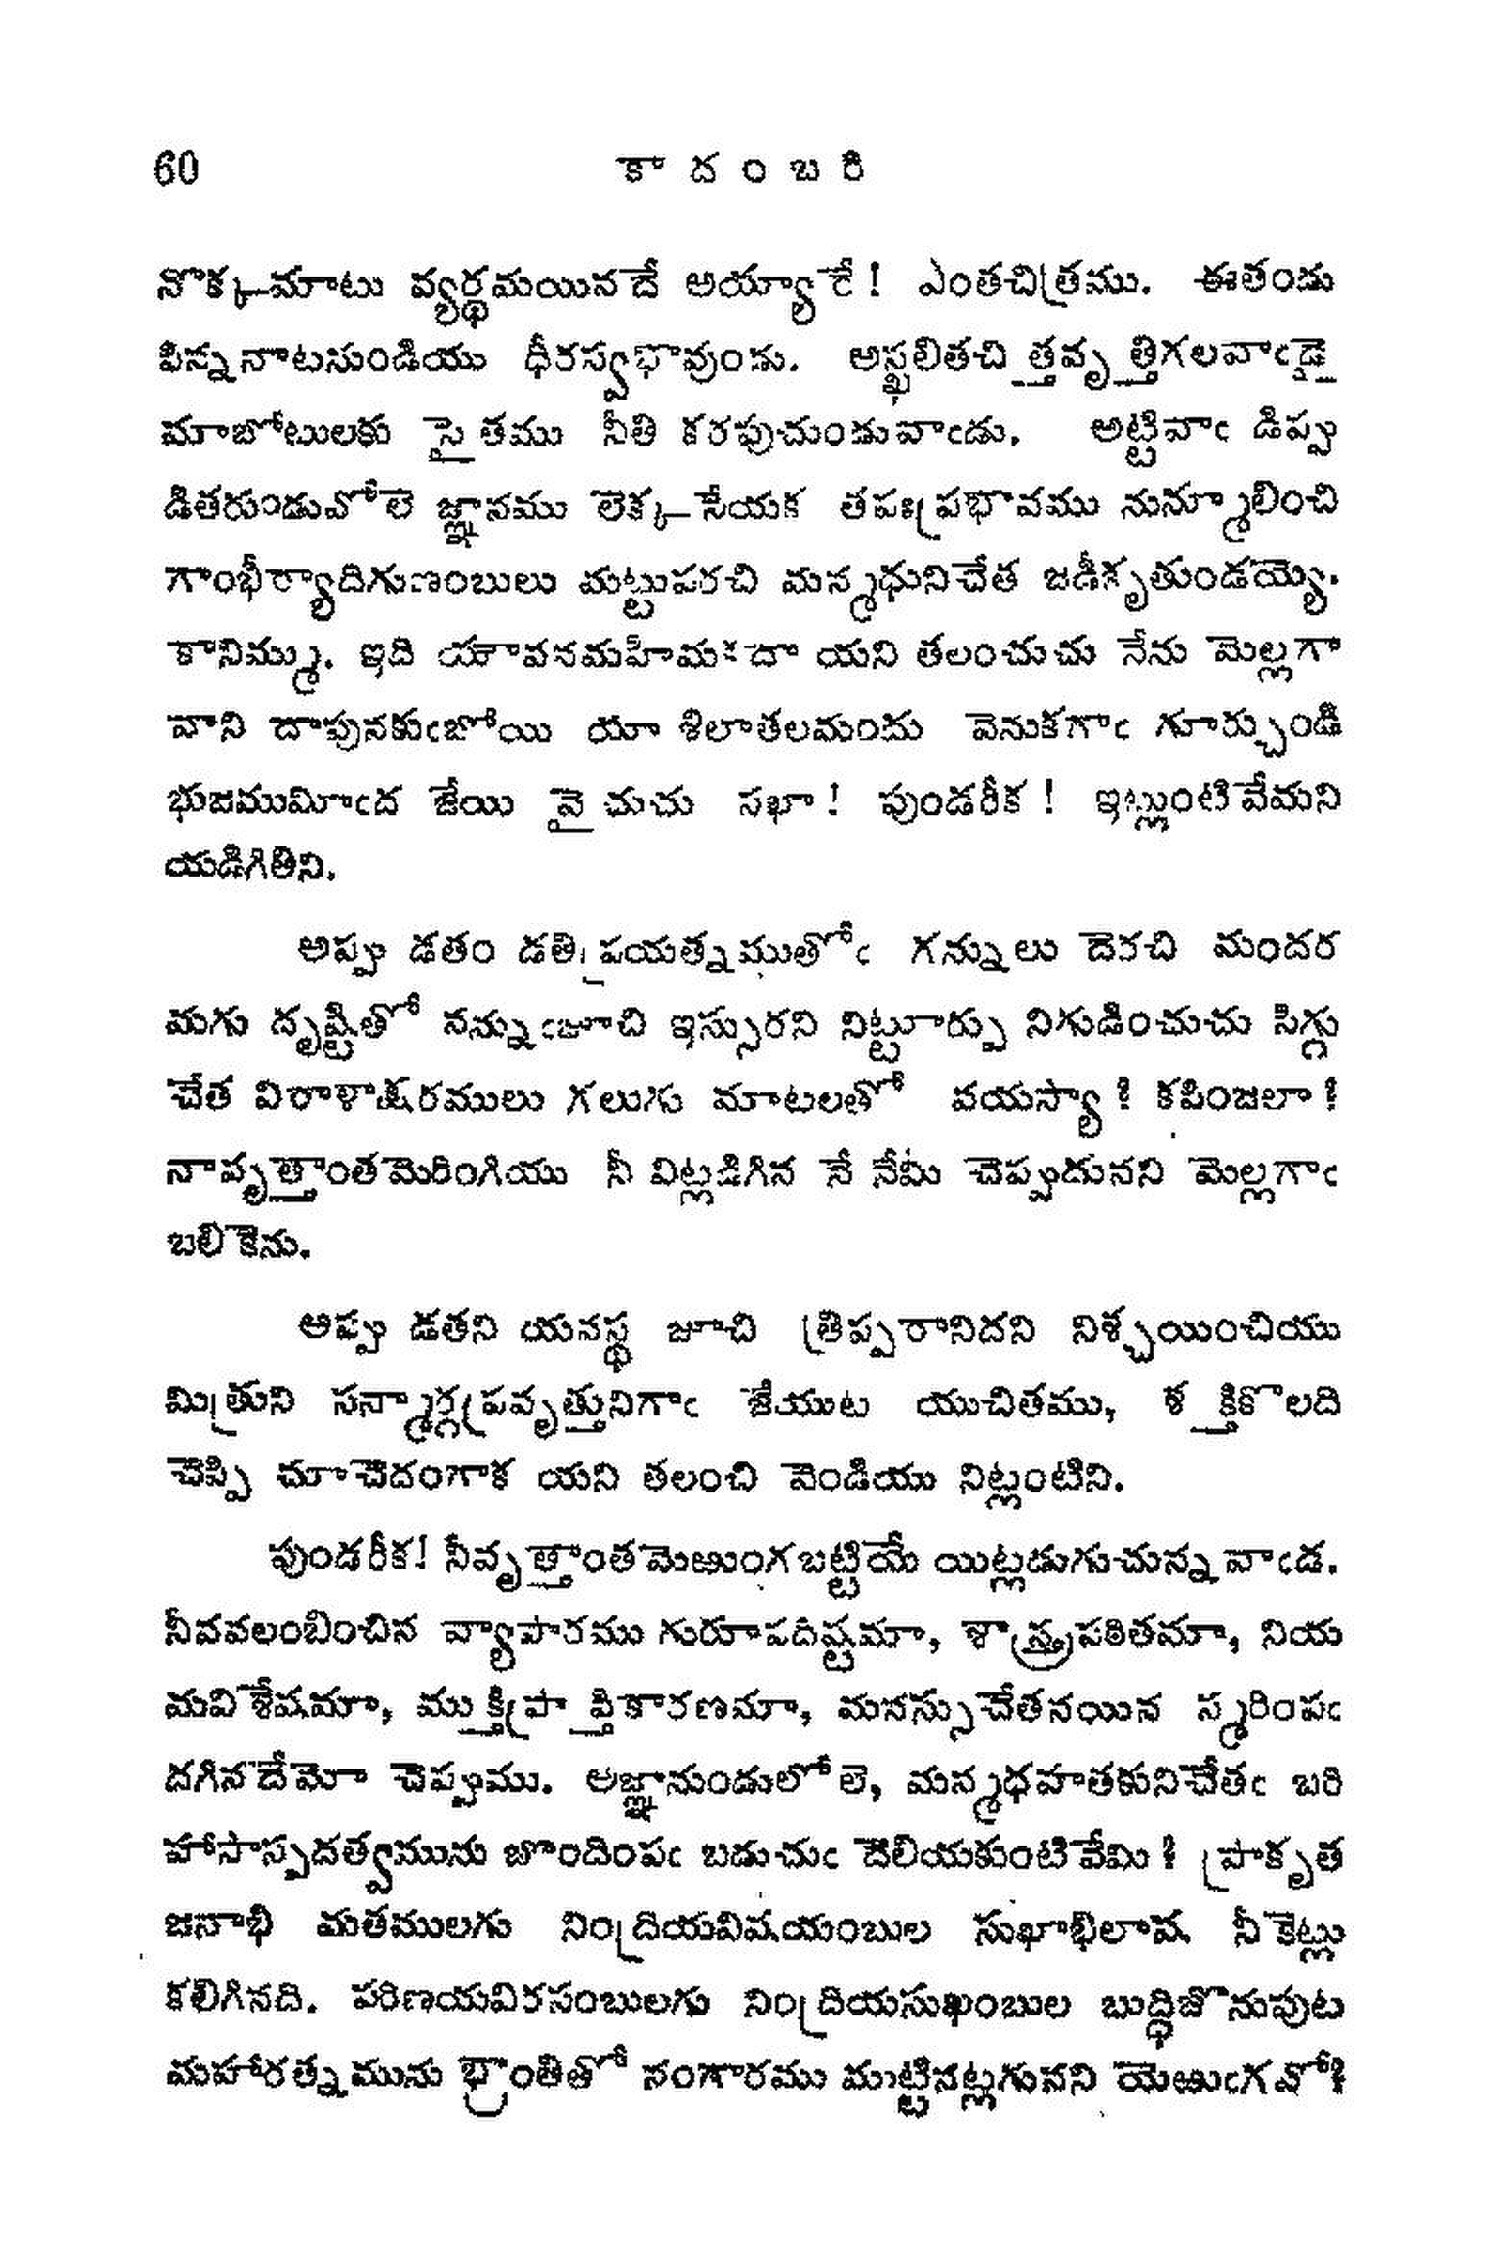నొక్కమాటు వ్యర్థమయినదే అయ్యారే! ఎంతచిత్రము. ఈతండు పిన్ననాటనుండియు ధీరస్వభావుండు. అస్ఖలితచిత్తవృత్తిగలవాఁడై మాబోటులకు సైతము నీతి కరవుచుండువాఁడు. అట్టివాఁ డిప్పుడితరుండువోలే జ్ఞానము లెక్క సేయక తపఃప్రభావము నున్మూలించి గాంభీర్యాదిగుణంబులు మట్టుపరచి మన్మధునిచేత జడీకృతుండయ్యె. కానిమ్ము. ఇది యౌవనమహిమకదా యని తలంచుచు నేను మెల్లగా వాని దాపునకుఁబోయి యా శిలాతలమందు వెనుకగాఁ గూర్చుండి భుజముమీఁద జేయి వై చుచు సఖా! పుండరీక! ఇట్లుంటివేమని యడిగితిని.

అప్పు డతం డతిప్రయత్నముతోఁ గన్నులు దెరచి మందరమగు దృష్టితో నన్నుఁజూచి ఇస్సురని నిట్టూర్పు నిగుడించుచు సిగ్గుచేత విరాళాక్షరములు గలుగు మాటలతో వయస్యా? కపింజలా? నావృత్తాంతమెరింగియు నీ విట్లడిగిన నే నేమి చెప్పుదునని మెల్లగాఁ బలికెను.

అప్పు డతని యవస్థ జూచి త్రిప్పరానిదని నిశ్చయించియు మిత్రుని సన్మార్గప్రవృత్తునిగాఁ జేయుట యుచితము, శక్తికొలది చెప్పి చూచెదంగాక యని తలంచి వెండియు నిట్లంటిని.

పుండరీక! నీవృత్తాంతమెఱుంగబట్టియే యిట్లడుగుచున్నవాఁడ. నీవవలంబించిన వ్యాపారము గురూపదిష్టమా, శాస్త్రపఠితమా, నియమవిశేషమా, ముక్తిప్రాప్తికారణమా, మనస్సుచేతనయిన స్మరింపఁ దగినదేమో చెప్పుము. అజ్ఞానుండులోలె, మన్మధహతకునిచేతఁ బరిహాసాస్పదత్వమును బొందింపఁ బడుచుఁ దెలియకుంటివేమి? ప్రాకృత జనాభి మతములగు నింద్రియవిషయంబుల సుఖాభిలాష నీకెట్లు కలిగినది. పరిణయవిరసంబులగు నింద్రియసుఖంబుల బుద్ధిజొనుపుట మహారత్నమును భ్రాంతితో నంగారము ముట్టినట్లగునని యెఱుఁగవో?